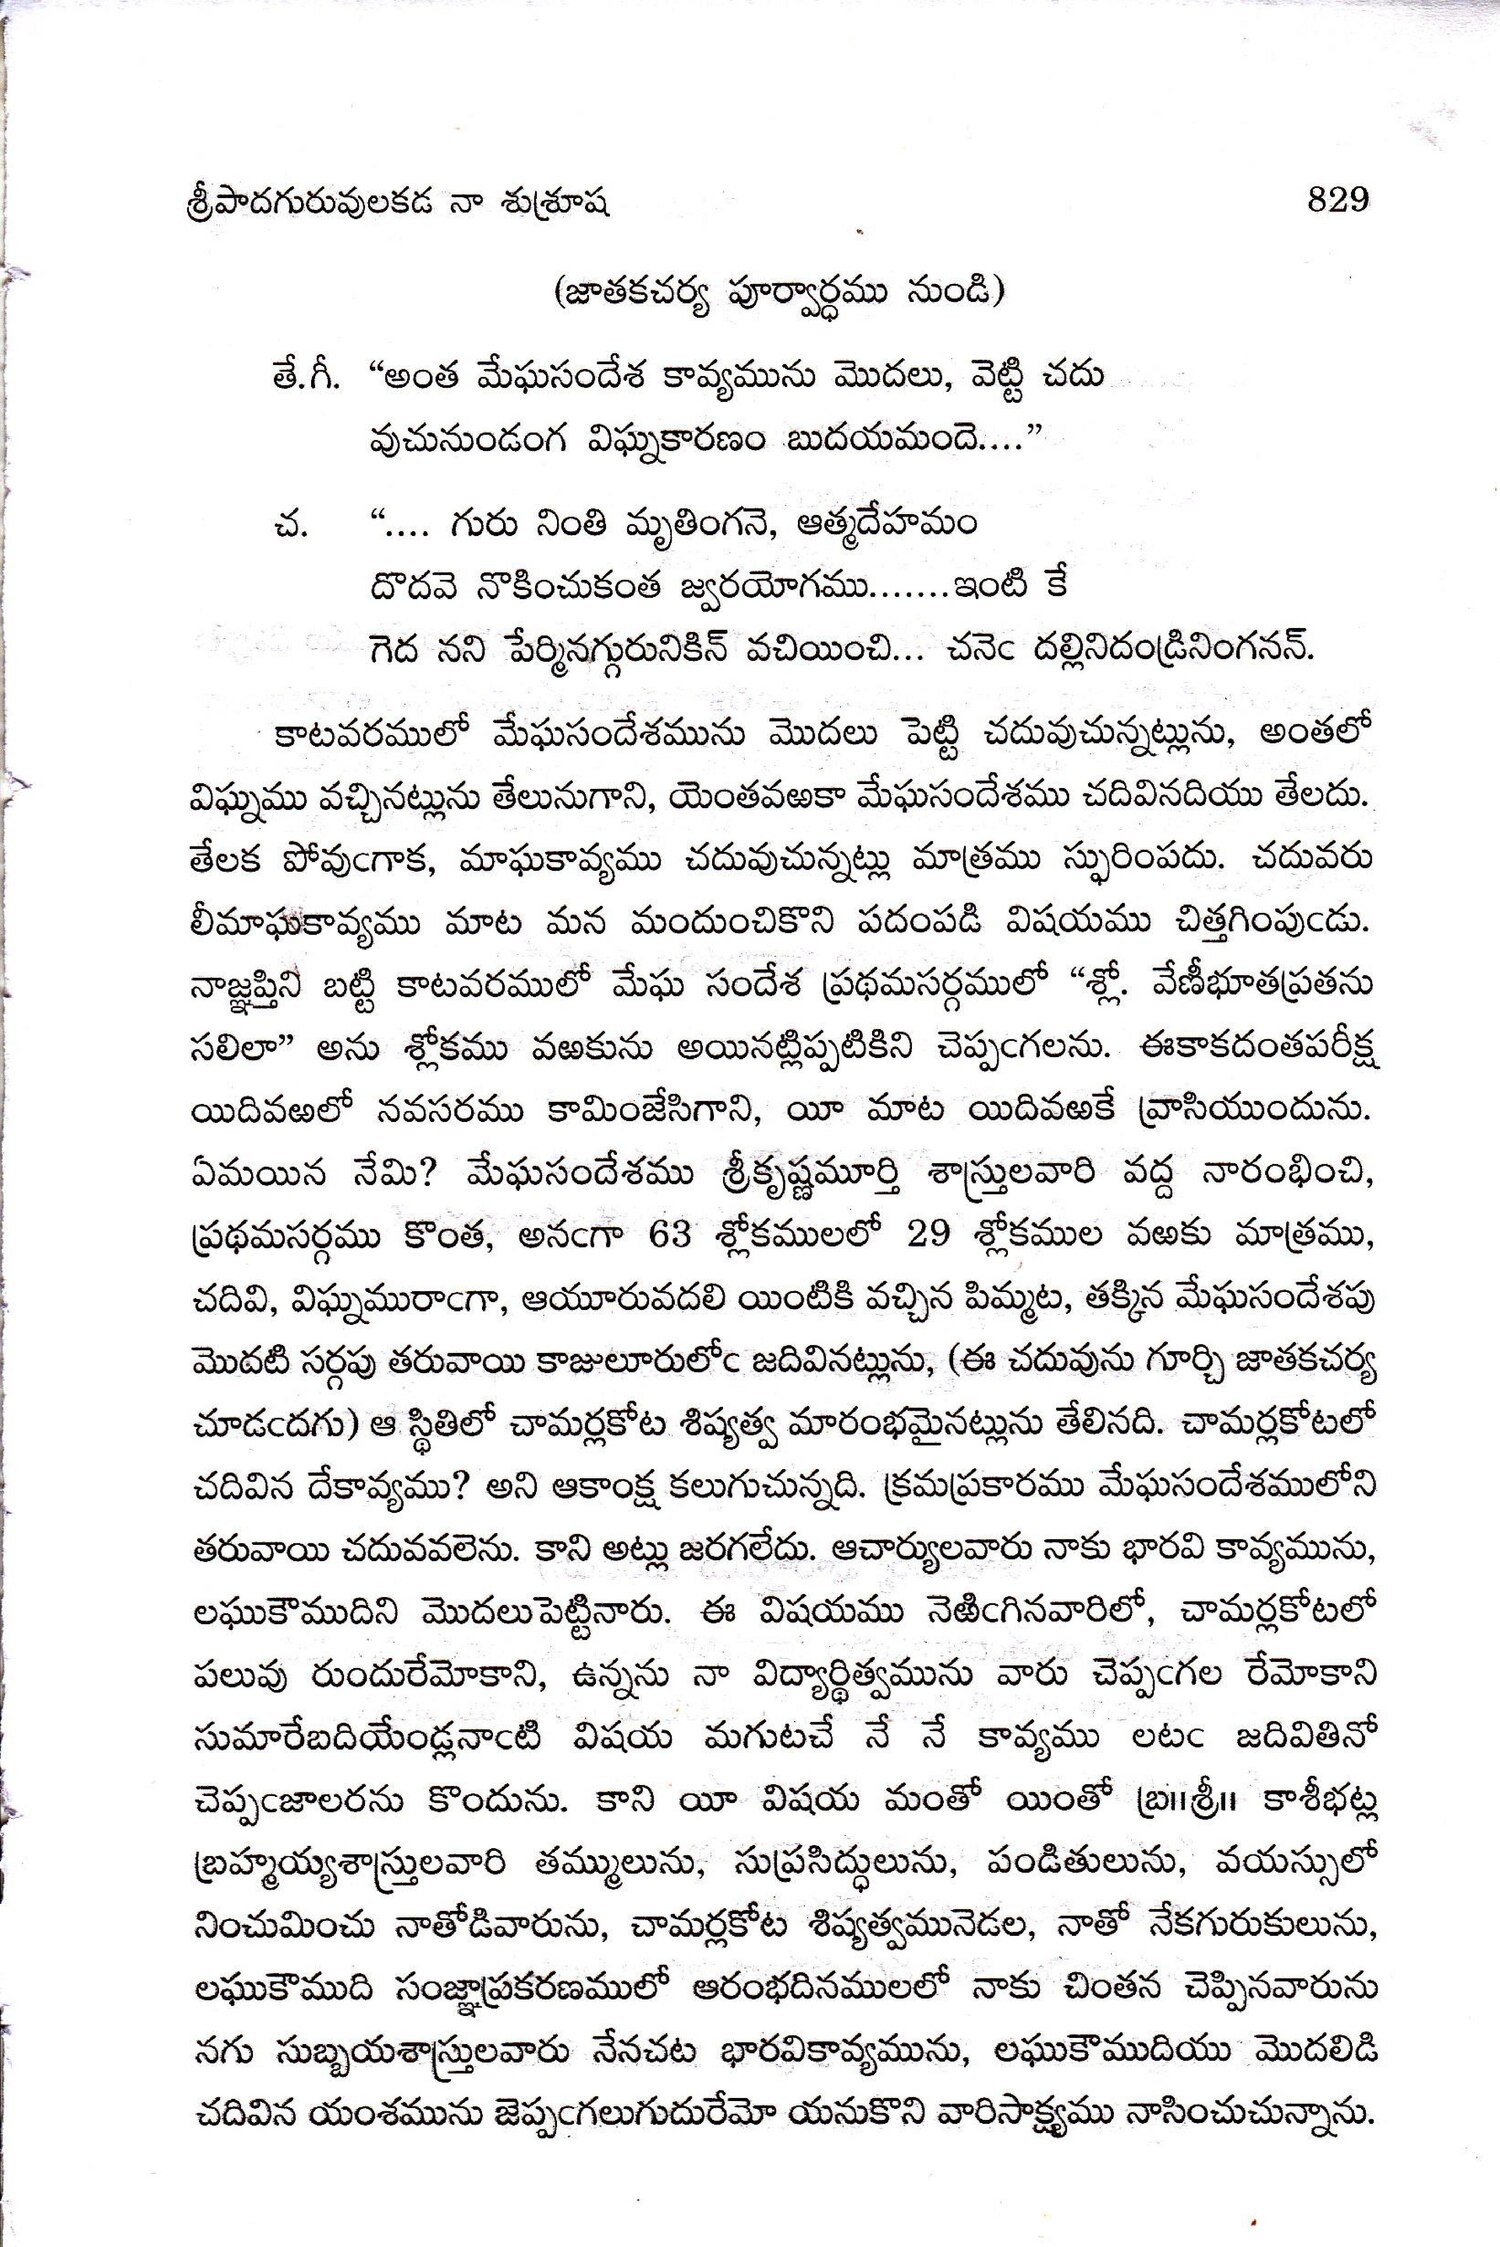తే.గీ. “అంత మేఘసందేశ కావ్యమును మొదలు, వెట్టి చదు
 వుచునుండంగ విఘ్నకారణం బుదయమందె...."

చ. “... గురు నింతి మృతింగనె, ఆత్మదేహమం
 దొదవె నొకించుకంత జ్వరయోగము.......ఇంటి కే 
 గెద నని పేర్మినగ్గురునికిన్ వచియించి... చనెఁ దల్లినిదండ్రినింగనన్.
కాటవరములో మేఘసందేశమును మొదలు పెట్టి చదువుచున్నట్లును, అంతలో విఘ్నము వచ్చినట్లును తేలునుగాని, యెంతవఱకా మేఘసందేశము చదివినదియు తేలదు. తేలక పోవఁగాక, మాఘకావ్యము చదువుచున్నట్లు మాత్రము స్ఫురింపదు. చదువరు లీమాఘకావ్యము మాట మన మందుంచికొని పదంపడి విషయము చిత్తగింపుఁడు. నాజ్ఞప్తిని బట్టి కాటవరములో మేఘ సందేశ ప్రథమసర్గములో "శ్లో. వేణీభూతప్రతను సలిలా” అను శ్లోకము వఱకును అయినట్లిప్పటికిని చెప్పఁగలను. ఈకాకదంతపరీక్ష యిదివఱలో నవసరము కామింజేసిగాని, యీ మాట యిదివఱకే వ్రాసియుందును. ఏమయిన నేమి? మేఘసందేశము శ్రీకృష్ణమూర్తి శాస్త్రులవారి వద్ద నారంభించి, ప్రథమసర్గము కొంత, అనఁగా 63 శ్లోకములలో 29 శ్లోకముల వఱకు మాత్రము, చదివి, విఘ్నమురాఁగా, ఆయూరువదలి యింటికి వచ్చిన పిమ్మట, తక్కిన మేఘసందేశపు మొదటి సర్గపు తరువాయి కాజులూరులోఁ జదివినట్లును, (ఈ చదువును గూర్చి జాతకచర్య చూడఁదగు) ఆ స్థితిలో చామర్లకోట శిష్యత్వ మారంభమైనట్లును తేలినది. చామర్లకోటలో చదివిన దేకావ్యము? అని ఆకాంక్ష కలుగుచున్నది. క్రమప్రకారము మేఘసందేశములోని తరువాయి చదువవలెను. కాని అట్లు జరగలేదు. ఆచార్యులవారు నాకు భారవి కావ్యమును, లఘుకౌముదిని మొదలుపెట్టినారు. ఈ విషయము నెఱిఁగినవారిలో, చామర్లకోటలో పలువు రుందురేమోకాని, ఉన్నను నా విద్యార్ధిత్వమును వారు చెప్పఁగల రేమోకాని సుమారేబదియేండ్లనాఁటి విషయ మగుటచే నే నే కావ్యము లటఁ జదివితినో చెప్పఁజాలరను కొందును. కాని యీ విషయ మంతో యింతో బ్ర||శ్రీ|| కాశీభట్ల బ్రహ్మయ్యశాస్త్రురులవారి తమ్ములును, సుప్రసిద్దులును, పండితులును, వయస్సులో నించుమించు నాతోడివారును, చామర్లకోట శిష్యత్వమునెడల, నాతో నేకగురుకులును, లఘుకౌముది సంజ్ఞాప్రకరణములో ఆరంభదినములలో నాకు చింతన చెప్పినవారును నగు సుబ్బయశాస్త్రులవారు నేనచట భారవికావ్యమును, లఘుకౌముదియు మొదలిడి చదివిన యంశమును జెప్పఁగలుగుదురేమో యనుకొని వారిసాక్ష్యము నాసించుచున్నాను.